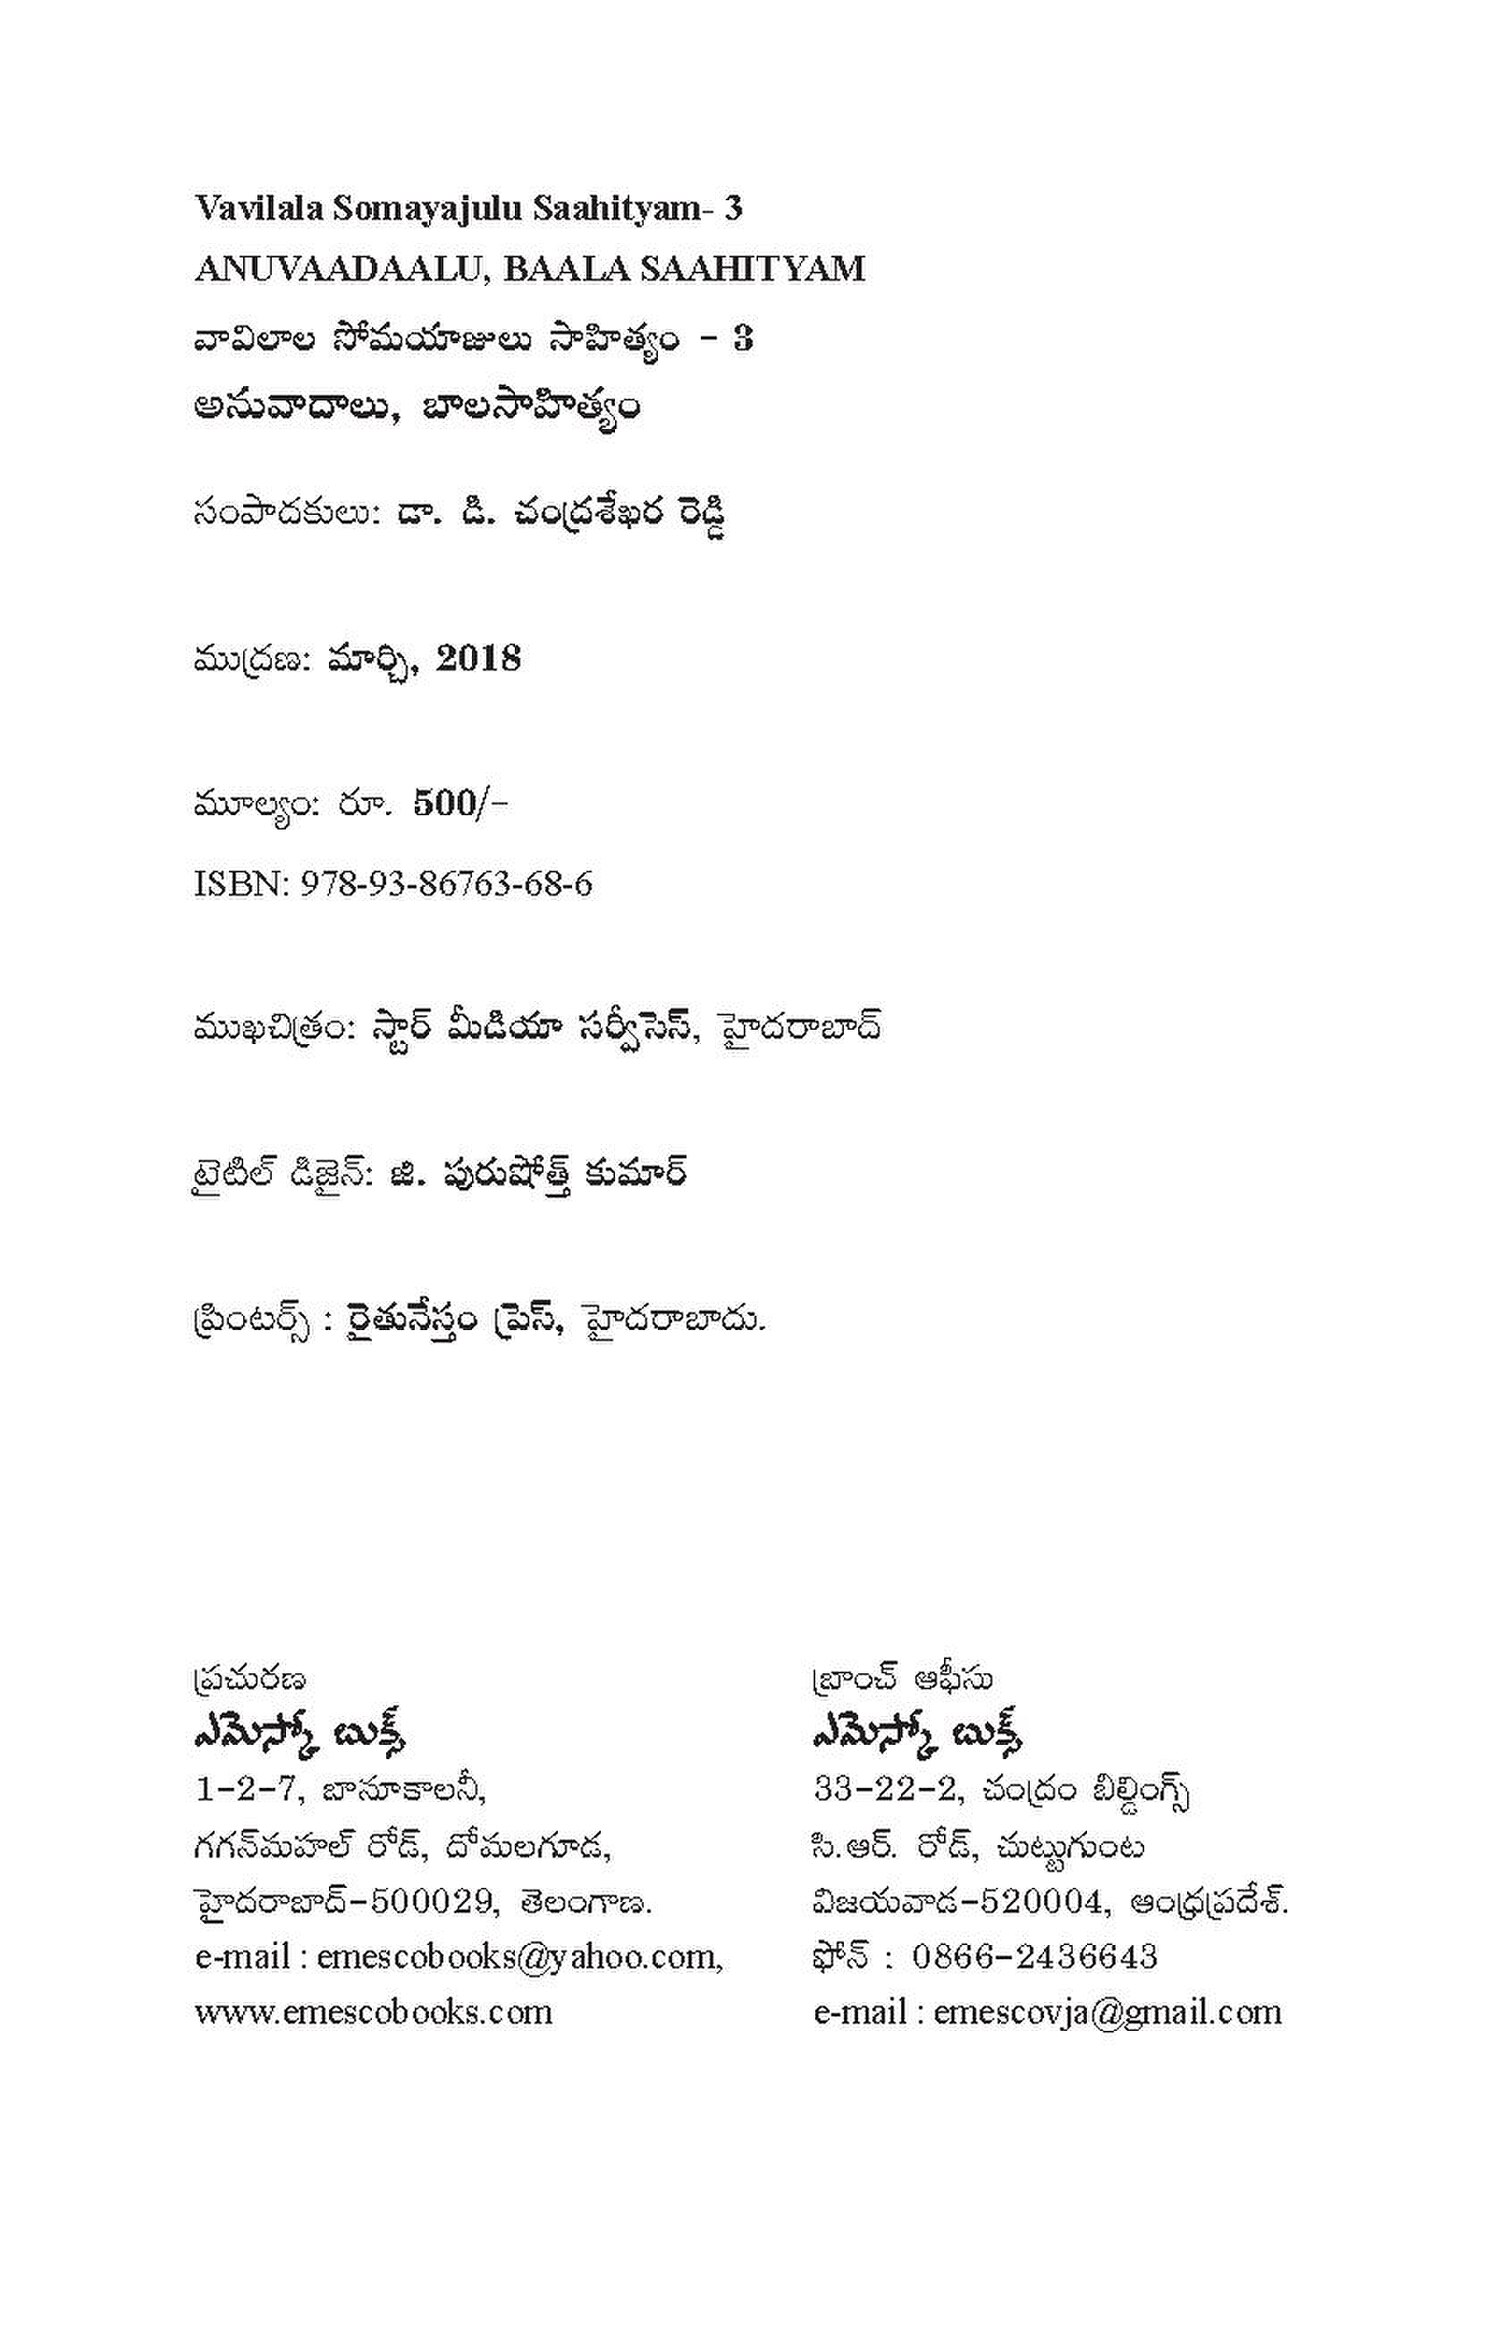Vavilala Somayajulu Saahityam- 3

ANUVAADAALU, BAALA SAAHITYAM

వావిలాల సోమయాజులు సాహిత్యం - 3

అనువాదాలు, బాలసాహిత్యం

సంపాదకులు: డా. డి. చంద్రశేఖర రెడ్డి

ముద్రణ: మార్చి, 2018

మూల్యం: రూ.500/-

ISBN: 978-93-86763-68-6

ముఖచిత్రం: స్టార్ మీడియా సర్వీసెస్, హైదరాబాద్

టైటిల్ డిజైన్: జి. పురుషోత్ కుమార్

ప్రింటర్స్ : రైతునేస్తం ప్రెస్, హైదరాబాదు.

ప్రచురణ

ఎమెస్కో బుక్స్
1-2-7, బానూకాలనీ,
గగనమహల్ రోడ్, దోమలగూడ,
హైదరాబాద్ - 500029, తెలంగాణ.
e-mail : emescobooks@yahoo.com,
www.emescobooks.com

బ్రాంచ్ ఆఫీసు

ఎమెస్కో బుక్స్
33-22-2, చంద్రం బిల్డింగ్స్
సి.ఆర్. రోడ్, చుట్టుగుంట
విజయవాడ-520004, ఆంధ్రప్రదేశ్.
ఫోన్ : 0866-2436643
e-mail : emescovja@gmail.com